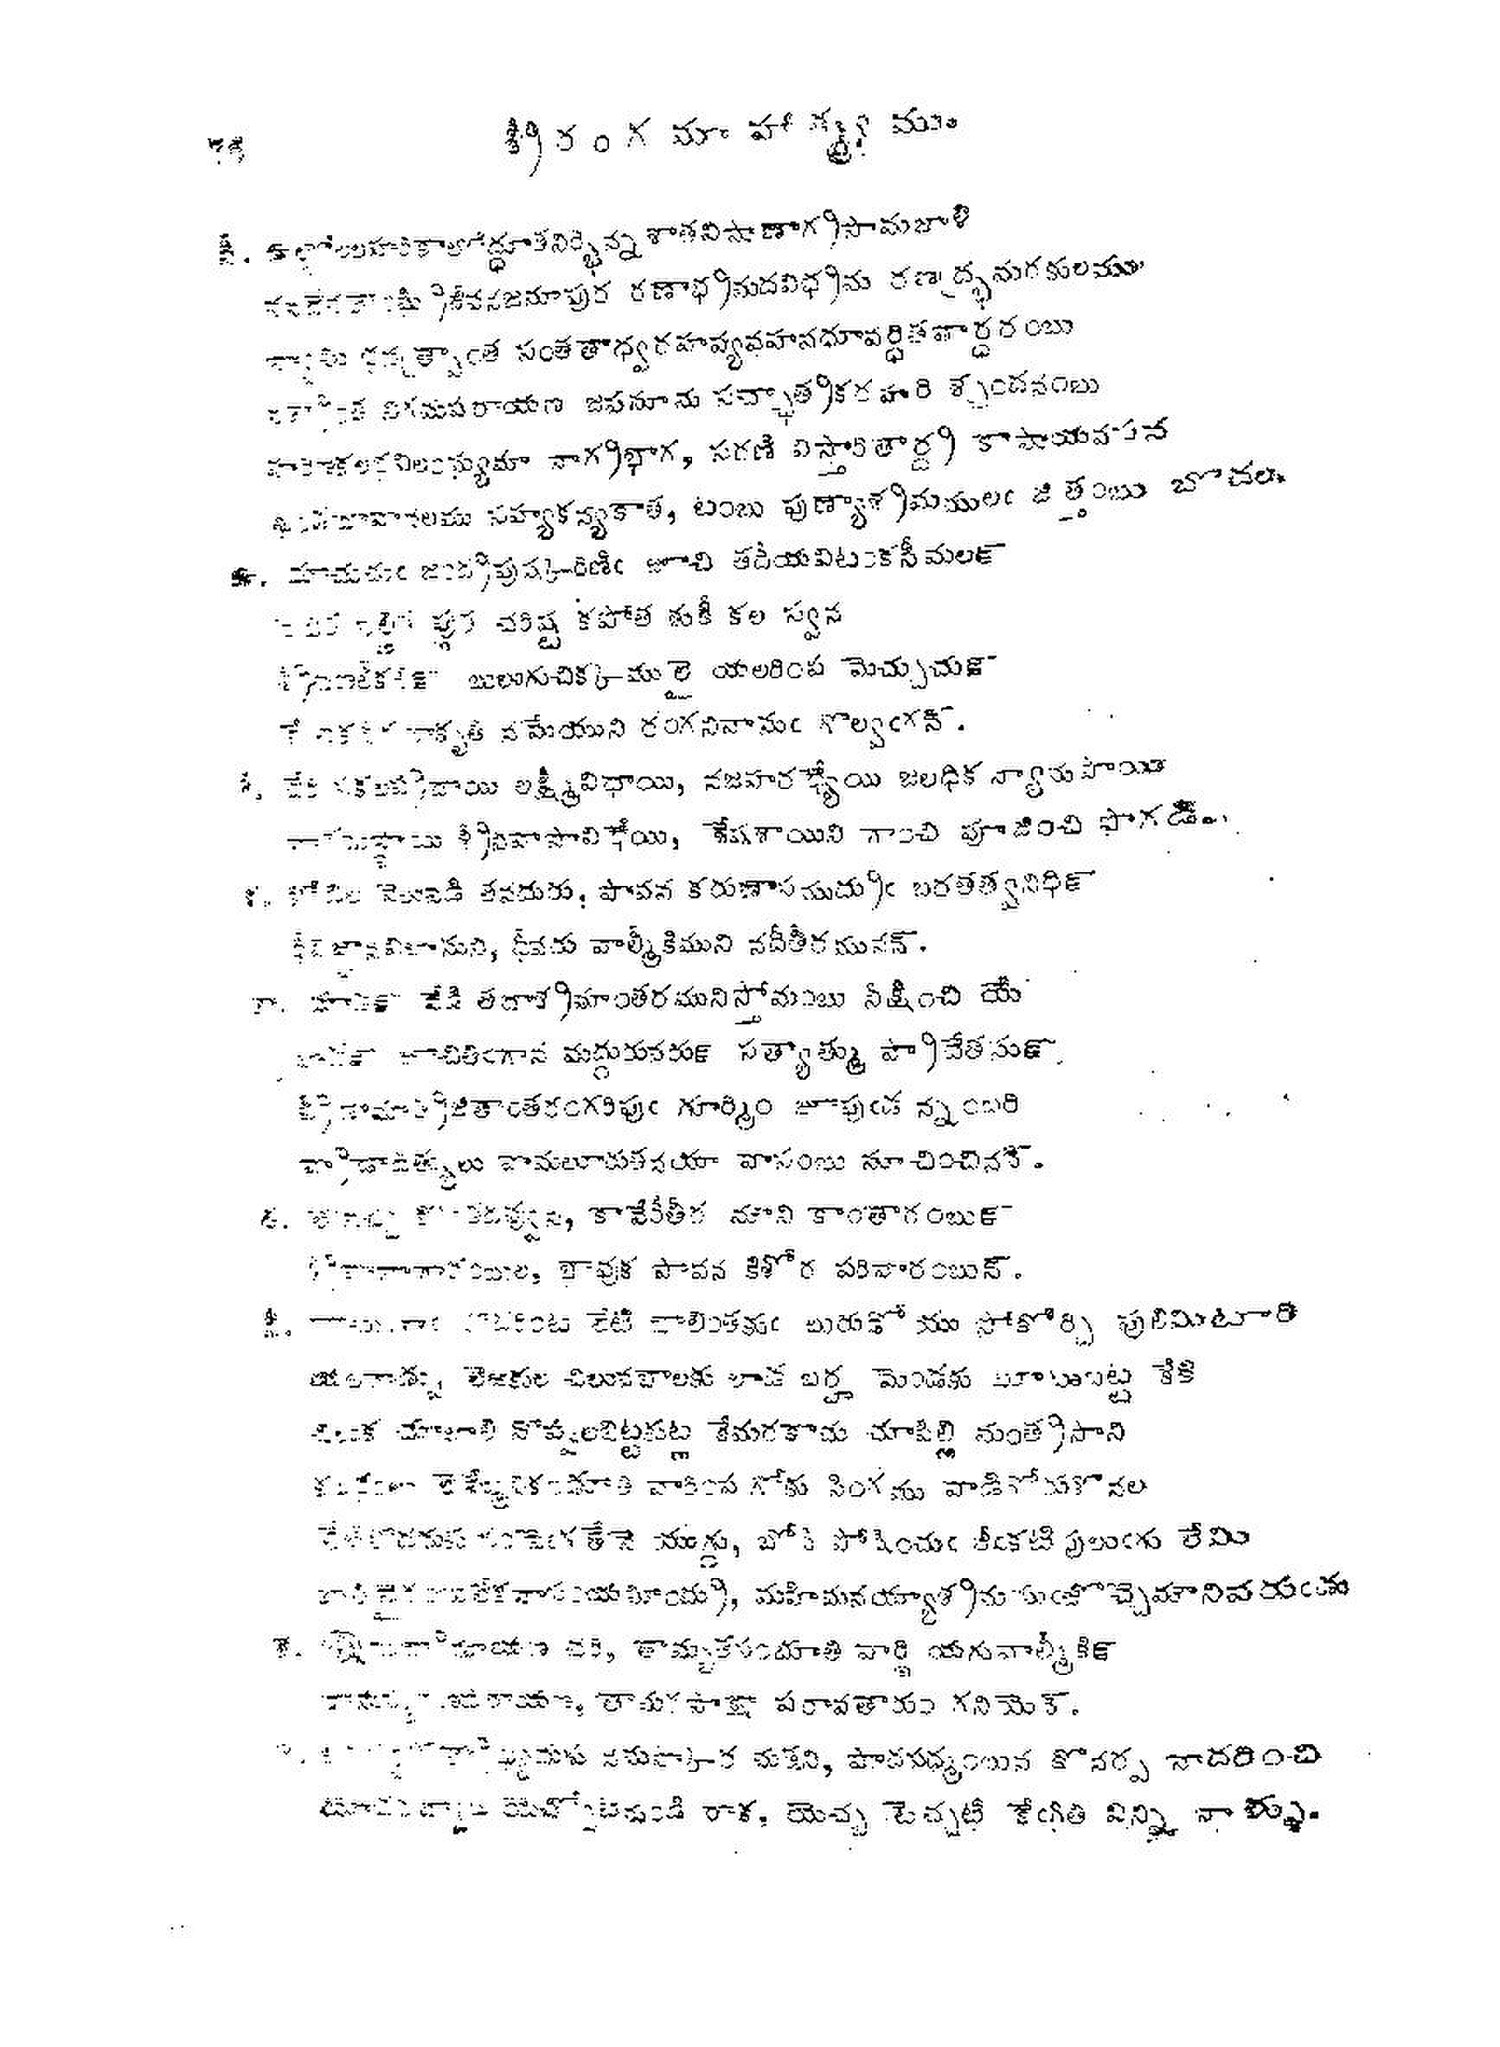సీ. ఉల్లోలలహరికాలోద్ధూతనిర్భిన్నశాతవిషాణాగ్రసామజాళి
 వనదేవతాంఘ్రిజీవనజనూపురరణాభ్రమదవిభ్రమరణద్భ్రమరకులము
 స్వామిభవత్ప్రాంతతసంతతాధ్వరహవ్యవహవధూవర్ధితవార్దరంబు
 నశ్రాంతనిగమపరాయణ జపనూను సచ్ఛాత్రకరహరిశ్చందనంబు
 హరిణకలభవిలంఘ్యమా నాగ్రభాగ, సరణి విస్తారితార్ద్ర కాషాయవసన
 ఖండదావానలము సహ్యకన్యకాత, టంబు పుణ్యాశ్రమములఁ జిత్తంబు బొదల.
ఉ. చూచుచుఁ జంద్రపుష్కరిణిఁ జాచి తదీయవిటంకసీమలన్
 రేచిత వల్లిత ప్లుత చరిష్ట కపోత శుకీ కల స్వన
 శ్రీచణలీకలిన్ బులుగుచిక్కములై యలరింప మెచ్చుచున్
 వేచకనీరజాకృతి నమేయుని రంగనివాసు గొల్వఁగన్.
తే. చేరి సకలప్రదాయి లక్ష్మీవిధాయి, నజహరధ్యేయి జలధికన్యానుపాయి
 నాగమస్థాయి శ్రీనివాసావిధేయి, శేషశాయిని గాంచి పూజించి పొగడి.
క. కోవిల వెలువడి తవదురు, పావన కరుణాసముద్రుఁ బరతత్వనిధిన్
 ధీవిజ్ఞానవిలాసుని, ధీవరు వాల్మీకిముని నదీతీరమునన్.
శా. చూడన్ వేడి తదాశ్రమాంతరమునిస్తోముంబు నీక్షించి యే
 జూడన్ జూచితిఁగాన మద్గురువరున్ సత్యాత్ము ప్రాచేతసున్
 వ్రీణామాత్రజితాంతరంగరిపుఁ గూర్మిం జూపుఁడ న్నంబరి
 వ్రాడాదిత్యులు వామలూరుతనయావాసంబు సూచించినన్.
క. తా వచ్చి కొండదవ్వున, కావేరీతీర మౌని కాంతారంబున్
 శ్రీవారాగారంబుల, భావుక పావన కిశోర పరివారంబున్.
సీ. చాటుఁగాఁ బొదరింట లేటి బాలింతకుఁ బురుడోయు సోకోర్చి పులిమిటారి
 యలగాడ్పు లేఱకుల చిలువబాలకు లాడ బర్హ మెండకు బూటుబట్ట కేకి
 చిలుక చూలాలి నొప్పులబిట్టకుట్ల కేమరకాచు చూపిల్లి మంత్రసాని
 కందంబు లెమ్మేనికండూతి వారింప గోకు సింగము వాడిగోరుకొనల
 తేటికొదమకు సంపెఁగతేనెయుగ్గు, బోసి పోషించుఁ జీఁకటి పులుఁగు లేమి
 జాతివైరంబు లేక నాసంయమీంద్రు, మహిమ నయ్యాశ్రమముఁ జొచ్చె మౌనివరుఁడు
క. శ్రీమద్రామాయణచరి, తామృతసంభూత వార్ధి యగువాల్మీకిన్
 రామస్మరణపరాయణ, తామరసాక్షా పరావతారుం గనియెన్.
తే. కదర్చిగోత్రాఖ్యమగు నమస్కార మతని, పాదపద్మంబున కొనర్ప నాదరించి
 యోభరద్వాజ యెచ్చోటినుండి రాక, యెచ్చ టెచ్చటి కేఁగితి విన్నినాళ్ళు.